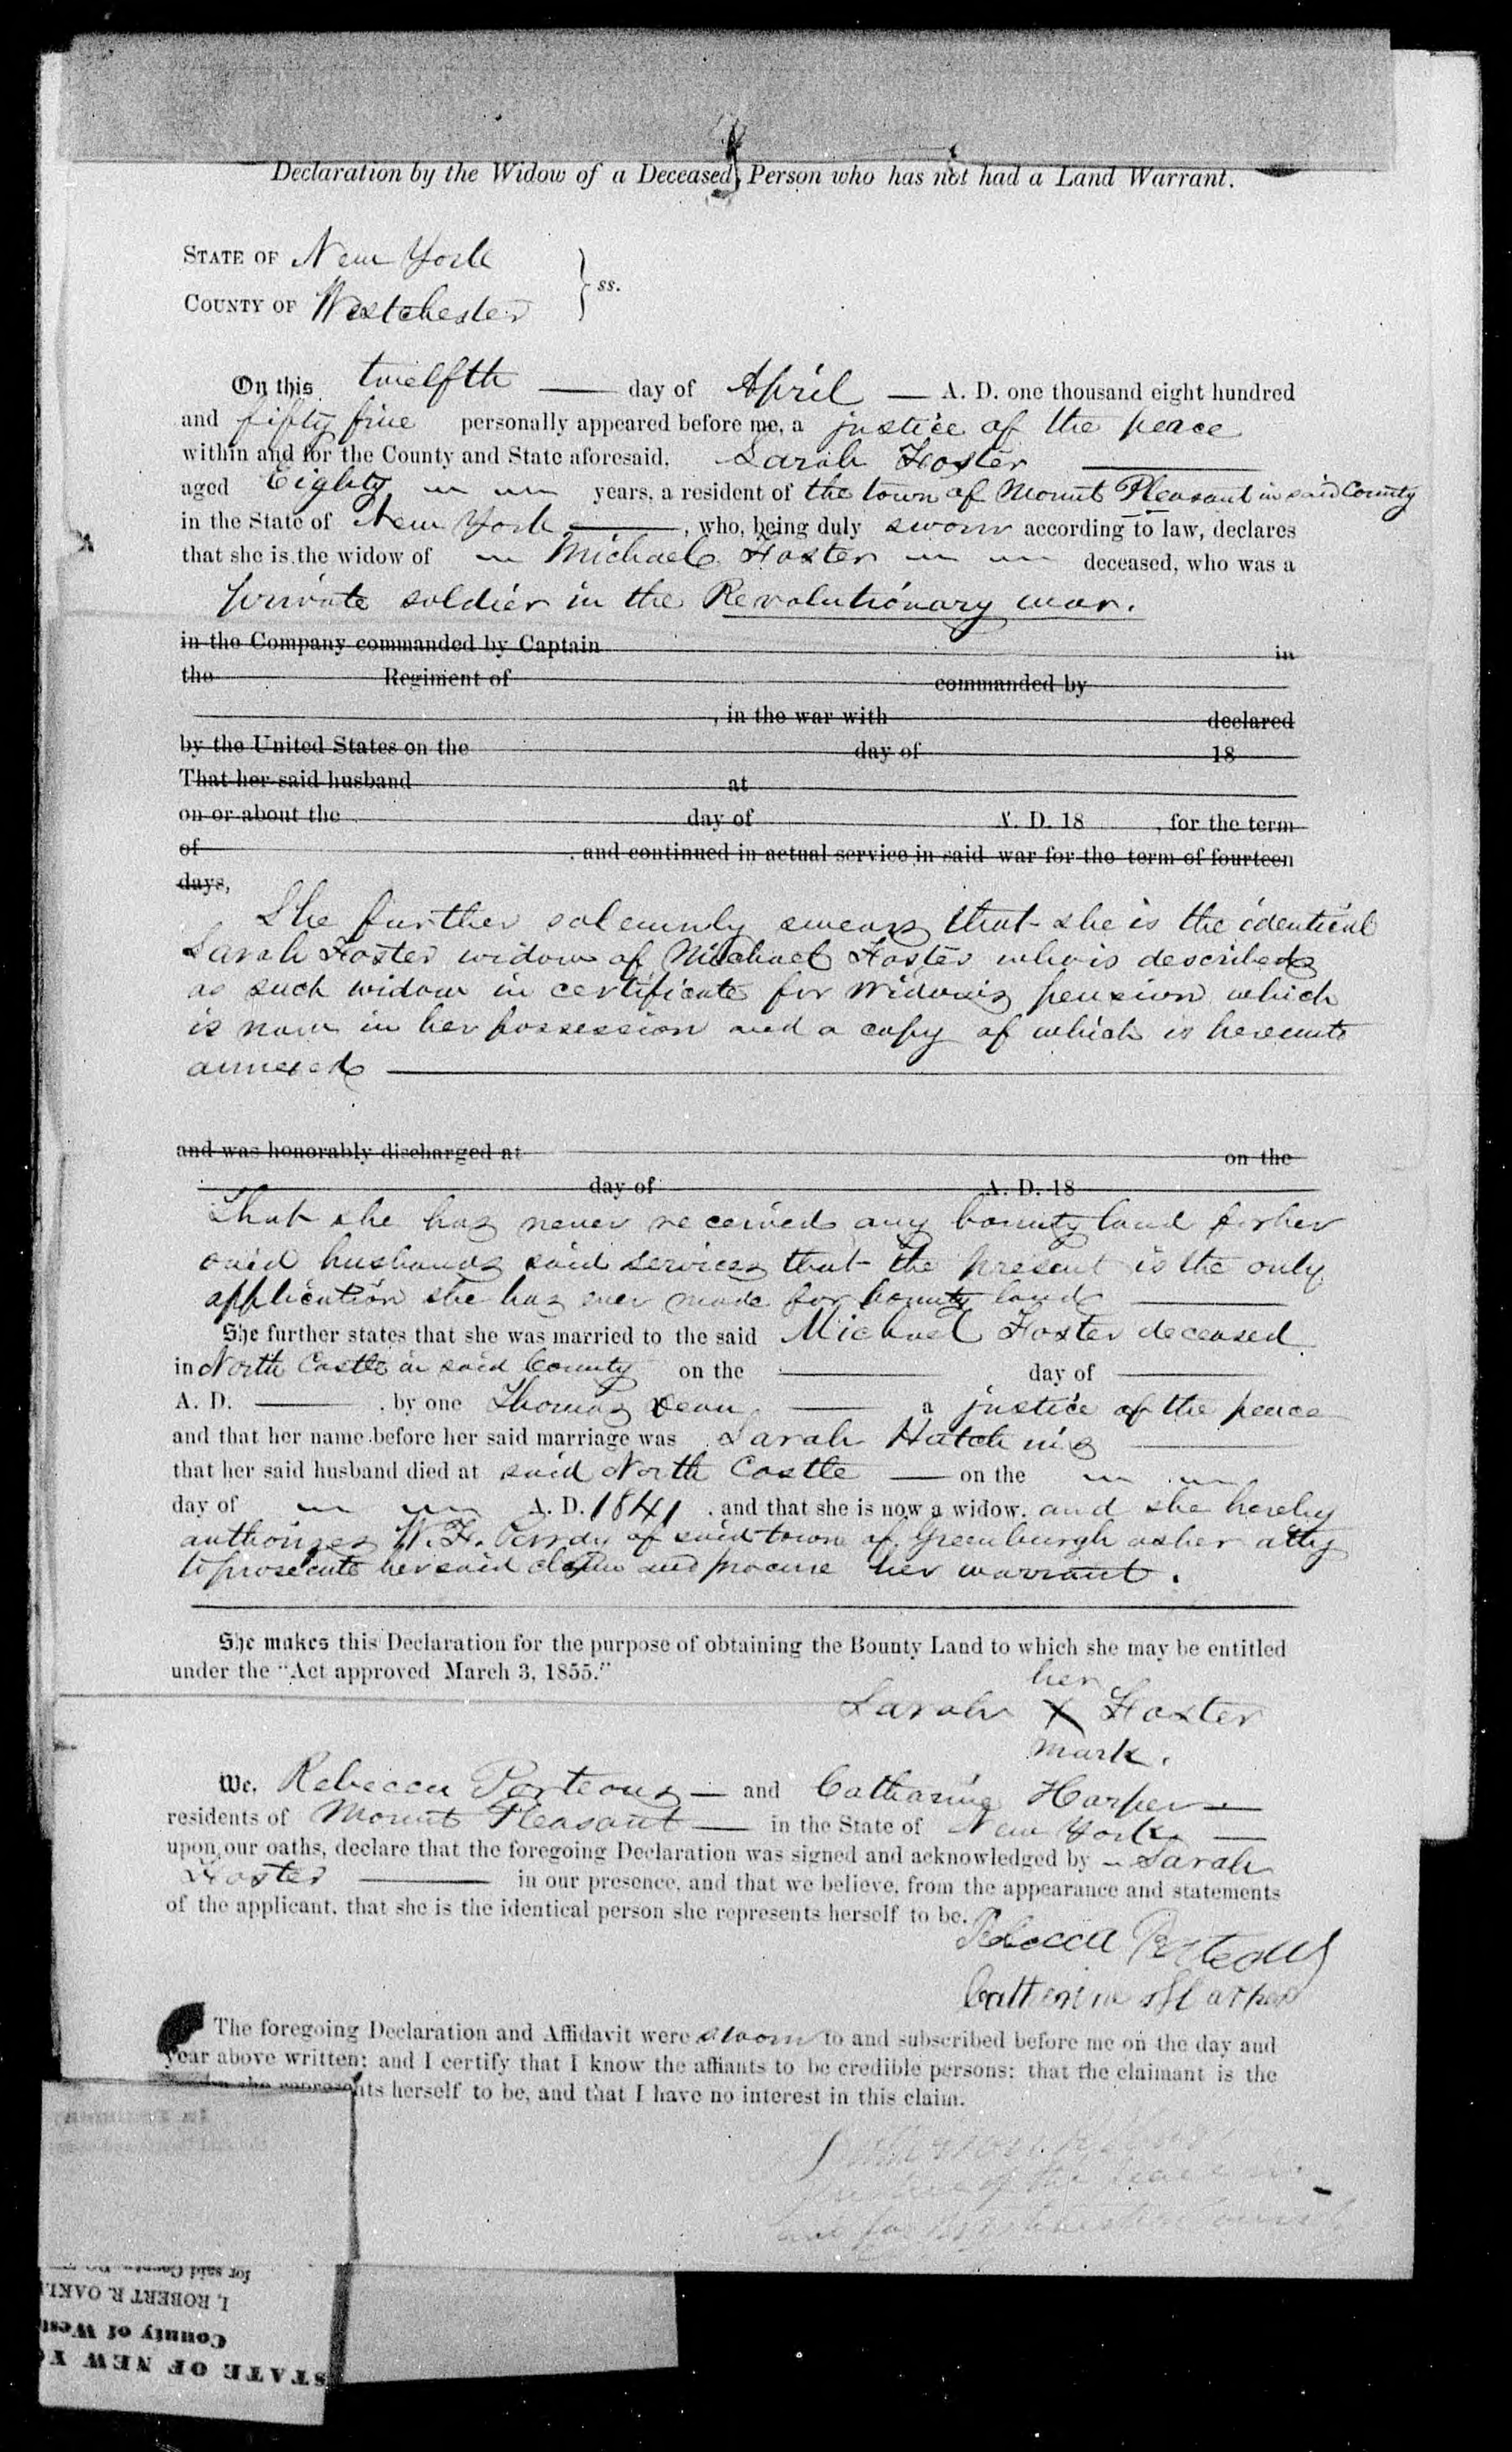(form letter with portions hand written)
 
 Declaration by the Widow of Deceased Person who has not had a Land Warrant.  

STATE OF New York 
COUNTY OF Westchester SS  

On this twelfth day of April A.D. one thousand eight hundred and fifty five personally appeared before me, a justice of the peace within and for the County and State aforesaid, Sarah Foster aged Eighty years, a resident of the town of Mount Pleasant in said County in the State of New York who, being duly sworn according to law, declares that she is the widow of Michael Foster deceased, who was a private soldier in the Revolutionary war. 
(the next paragraph is crossed through) "in the company commanded by Captain the Regiment of  commanded by in the war with declared  by the United States on the  day of 18 That her husband  at  on or about the  day of  A. D. 18  for the term of and continued in actual service in said war for the term of fourteen days) 
Continues- She further solemnly swears that she is the identical Sarah Foster widow of Michael Foster who is described as such widow in certificate for Widows pension which is now in her possession and a copy of which is hereunto annexed. 
(crossed out-and was honorably discharged at on the day of) 
That she has never received any bounty land for her said husband's said service that the present is the only application she has ever made for bounty land. She further states that she was married to the said Michael Foster deceased in North Castle in said County on the____day of ____A. D. ___, by one Thomas Dean____a justice of then peace and that her name before her said marriage was Sarah Hatch and that her husband died at said North Castlenon the _____day of _______A. D. 1841, and that she is now a widow, and she hereby authorizes W. F.Purdy of said town of Greenburgh as her atty. to prosecute her said claim and procure her warrant.  She makes the Declaration for the purpose of obtaining the Bounty Land to which she may be entitled under the Act approved March 3, 1855." Sarah Foster her X mark  

We, Rebecca Porteous and Catharine Harber residents of Mount Pleasant in the State of New York upon our oaths, declare that the foregoing Declaration was signed and acknowledged by Sarah Foster in our presence, and that we believe, from the appearance and statements of the applicant, that she is the identical person she represents herself to be.
Rebecca Porteous
Catharine Harber

The foregoing Declaration and Affidavit were sworn to and subscribed before me on the day and year above written: and I certify that I know the affiants to be credible persons: that the claimant is the person she represents herself to be, and that I have no interest in this claim.
Patterson R. Hart
Justice of the Peace in and for Westchester County, New York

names: Michael Foster, Catharine Harber, Michael Foster, Sarah Hatch, Robert R Oakley, Thomas Dean, Catherine Harber, Sarah Foster, Sarah Foster, Rebecca Porteous, Rebecca Porteous, W F Purdy, Sarah Foster, Michael Foster, Sarah Foster, Patterson R Hart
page: 23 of 57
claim: widow's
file: W. 5275 1/2, Michael Foster, Penn.